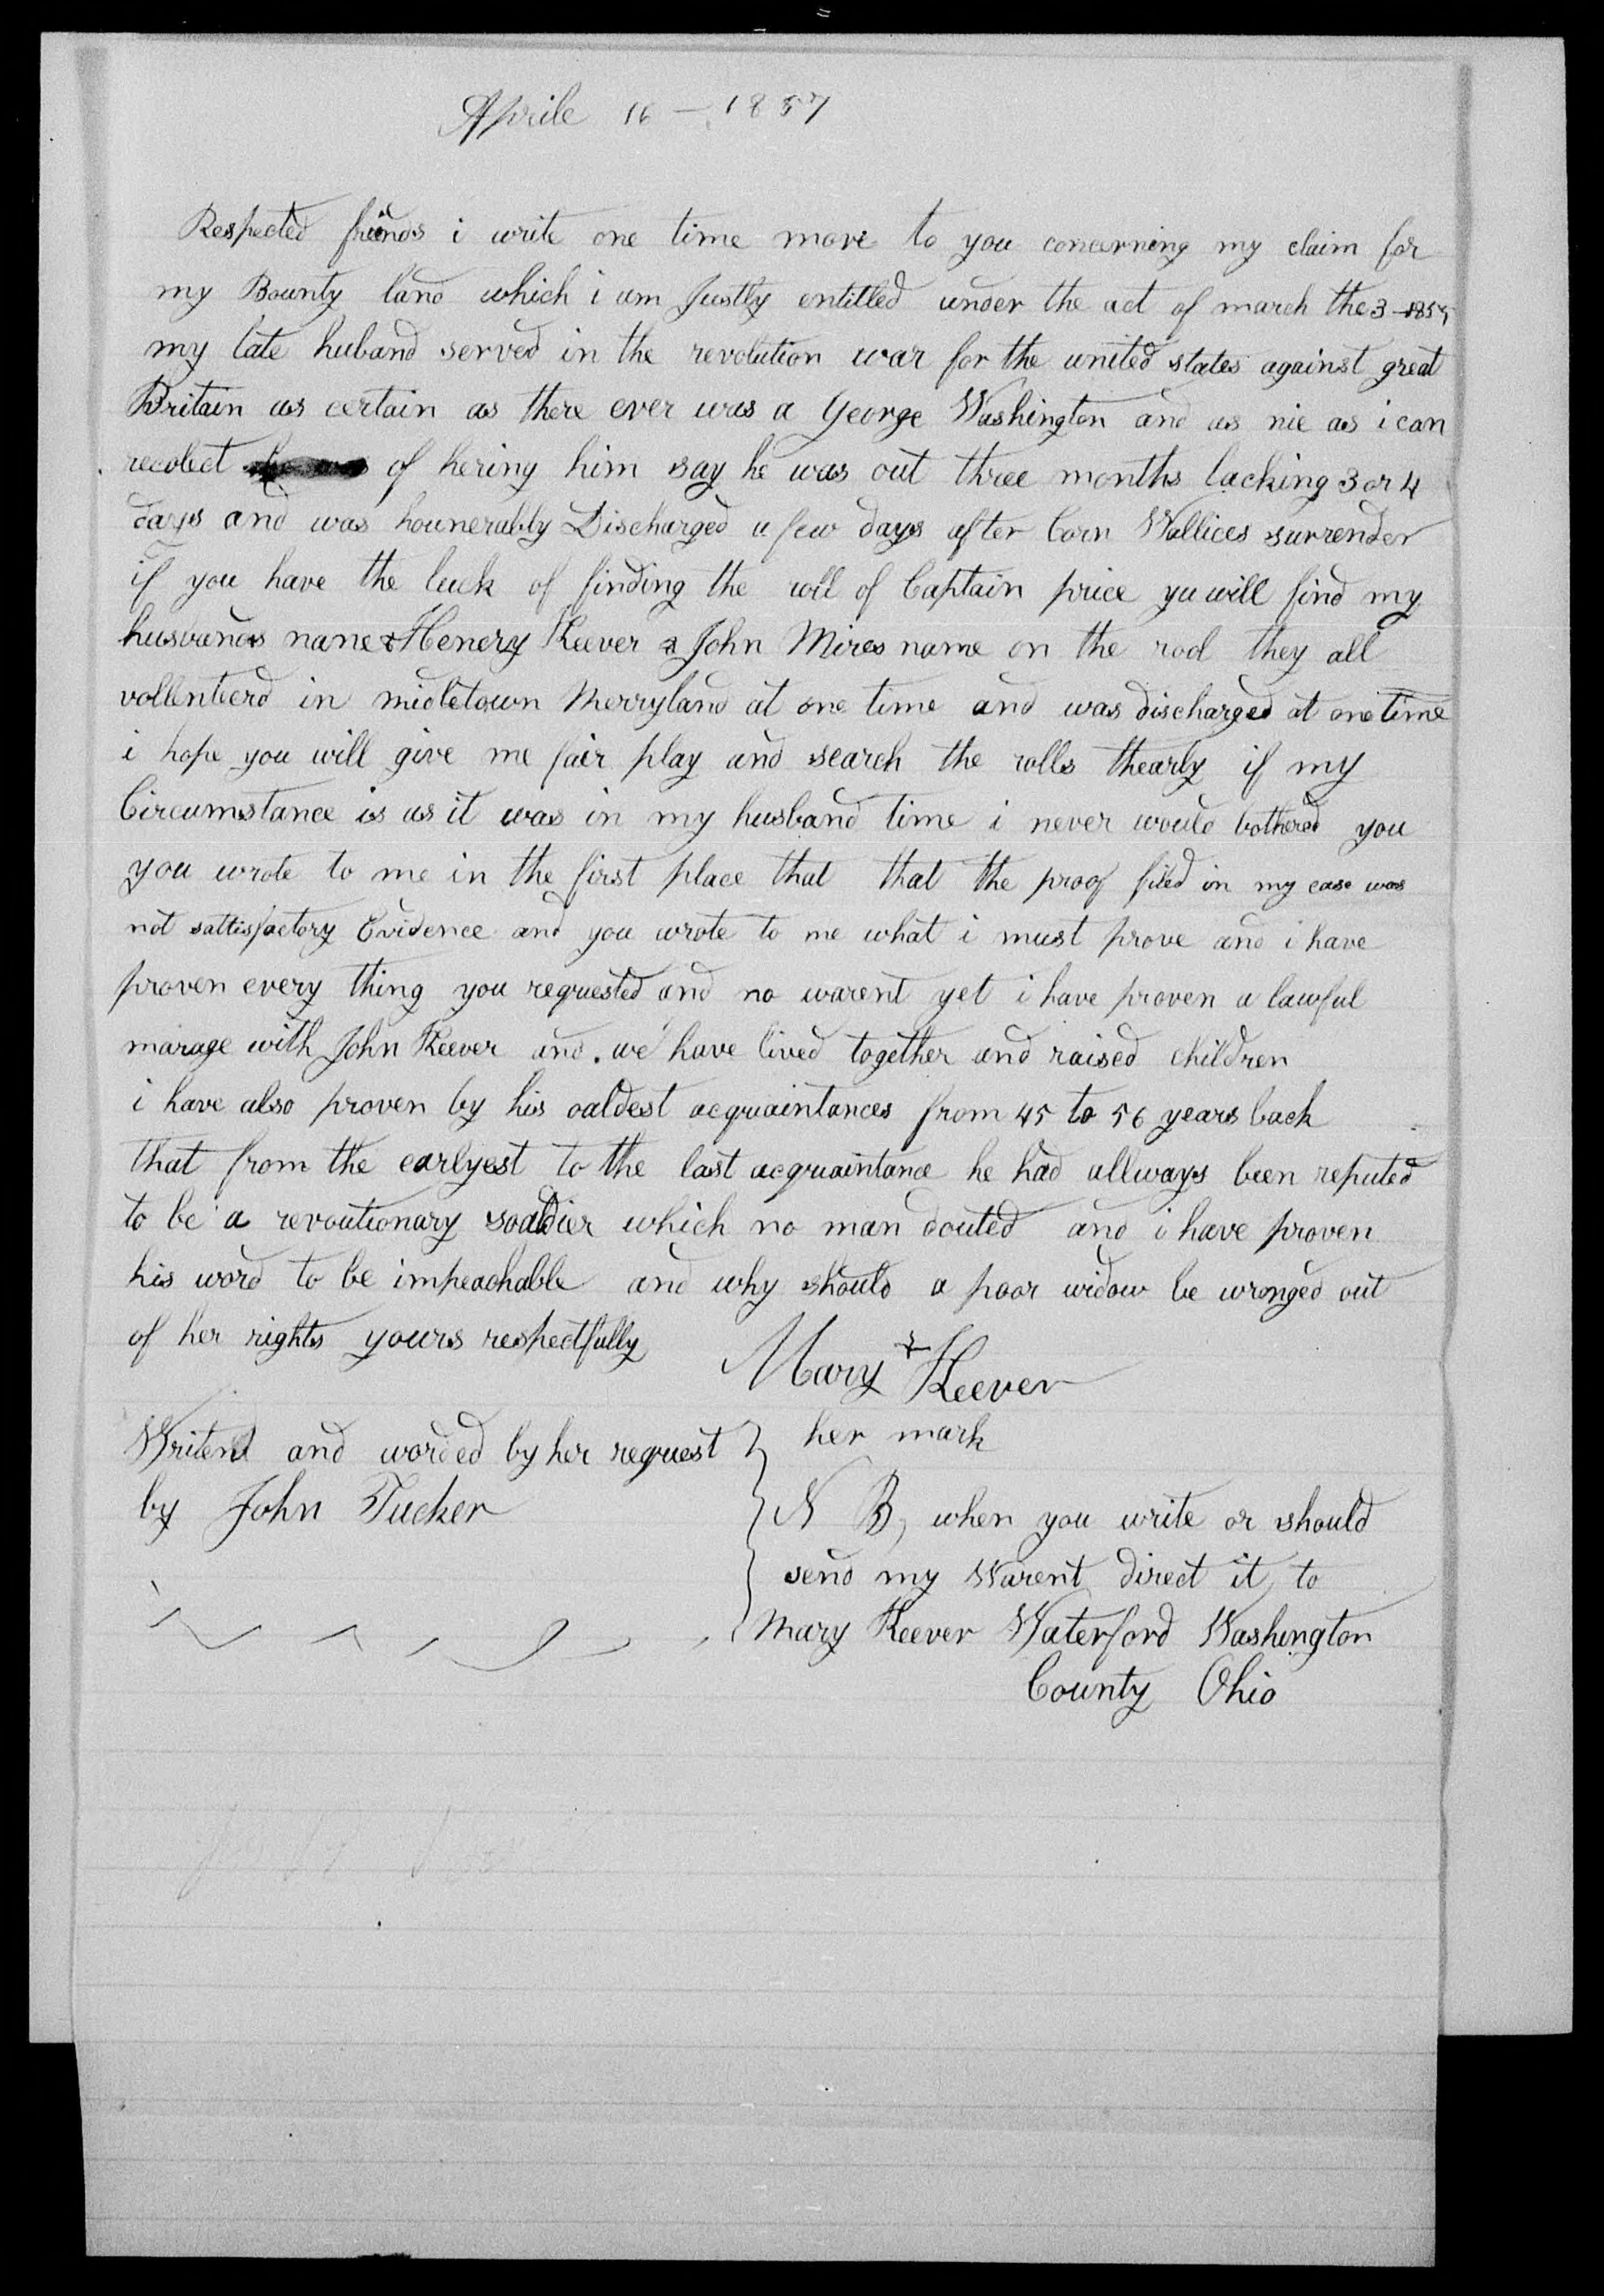April 16. 1857 
Respected Friends i write one time more to you concerning my claim for 
my Bounty land which i am justly entitled under the act of march the 3-1854 
my late huband served in the revolution war for the united states against great 
Britain as certain as there ever was a George Washington and as nie as i can 
recolect of hering [hearing] him say he was out three months lacking 3 or 4 
days and was hounerably [honorably] Discharged a few days after Corn Wallices [Cornwallis] surrender 
if you have the luck of finding the roll of Captain price you will find my 
husbands name & Henery [Henry] Keever & John Mires name on the rool they all 
vollenteerd in midletown Merryland [Middletown Maryland] at one time and was discharged at one time 
i hope you will give me fair play and search the rolls thearly [thoroughly] if my 
Circumstance is as it was in my husband time i never would bothered you 
you wrote to me in the first place that that the proof filed in my case was 
not sattisfactory Evidence and you wrote to me what i must prove and i have 
proven every thing you requested and no warent [warrant] yet I have proven a lawful 
marrage with John Keever and we have lived together and raised children 
i have also proven by his oaldest acquaintances from 45 to 56 years back 
that from the earlyest to the last acquaintance he had allways been reputed 
to be a revoutionary soaldier [soldier] which no man douted and i have proven 
his word to be impeachable and why should a poor widow be wronged out 
of her rights yours respectfully 
Mary Keever her [handwritten] + mark
Writen and worded by her request }
by John Tucker } 
N B, when you write or should 
send my Warent, direct it to 
Mary Keever Waterford Washington 
County Ohio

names: John Mires; George Washington; John Keever; [BLANK] Price; John Tucker; Henery Keever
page: 31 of 33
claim: rejected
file: R. 5814, for John Keever, Maryland